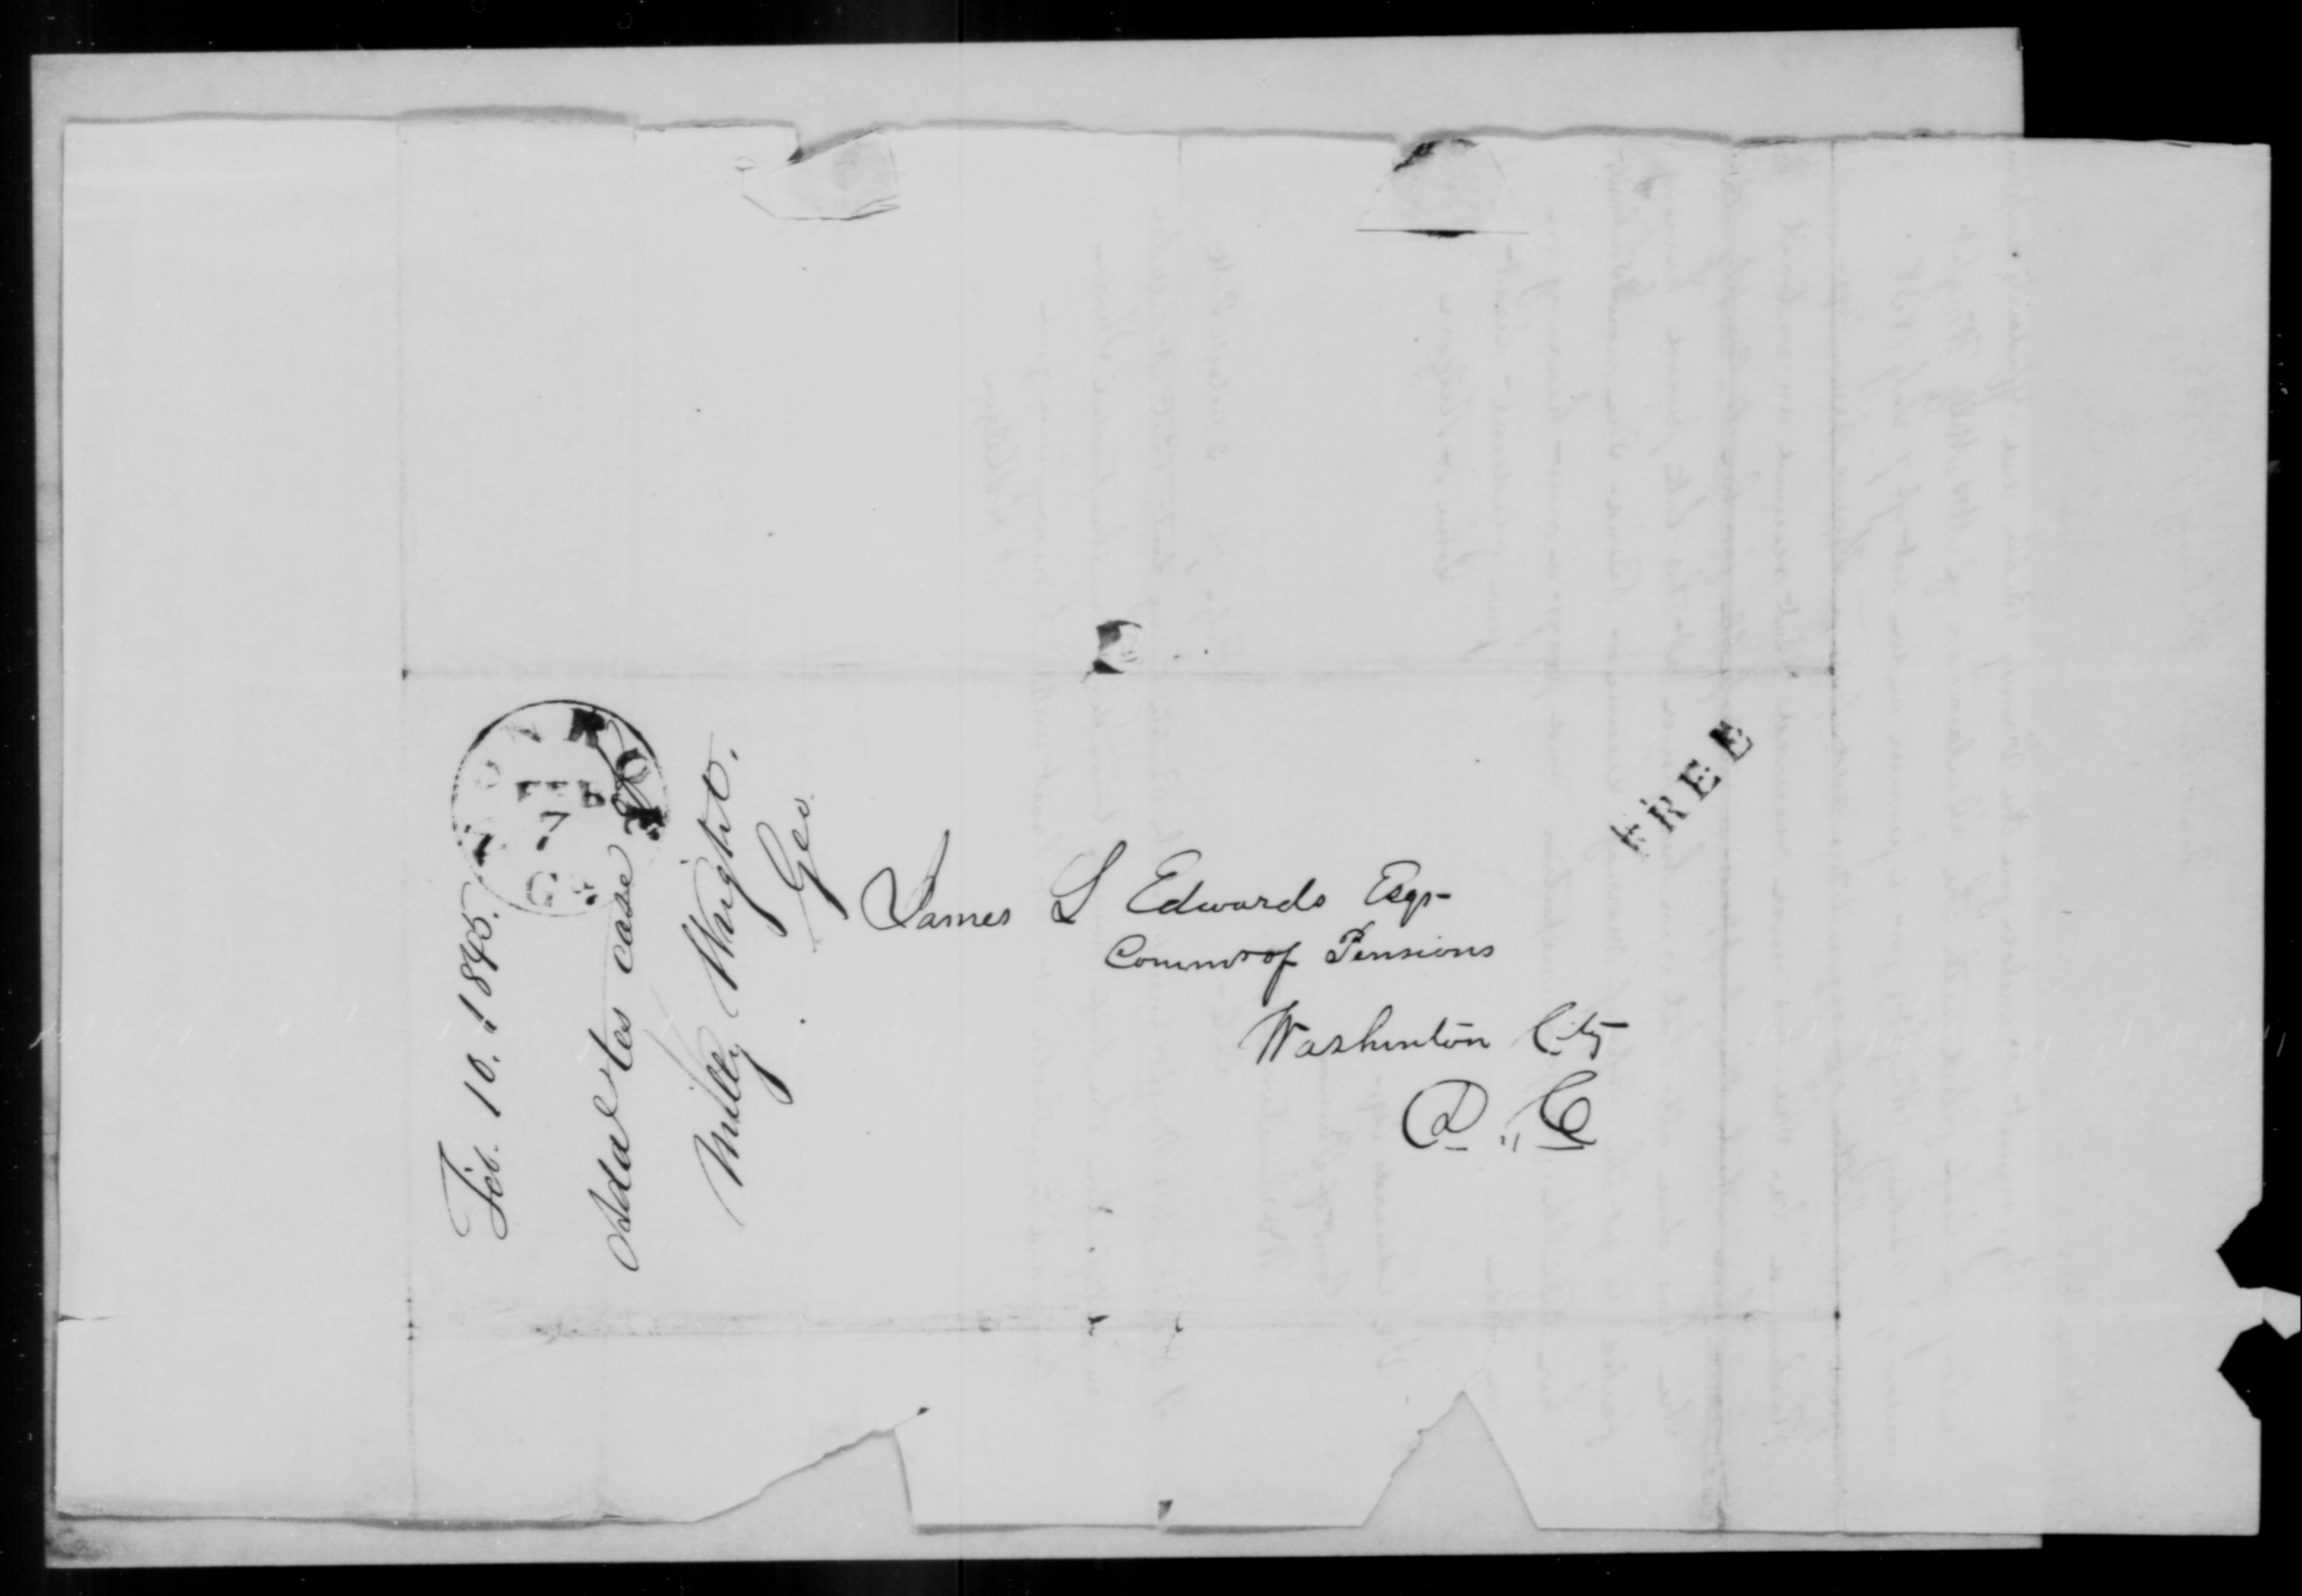Feb. 10, 1845.

[Illegible] case

Milly Wright.
Ga.

James L Edwards Esqr
Commr of Pensions
Washinton City
D. C

FREE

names: Milly Wright, James L Edwards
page: 56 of 81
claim: widow's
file: W. 5183, Bolling Wright, Va.